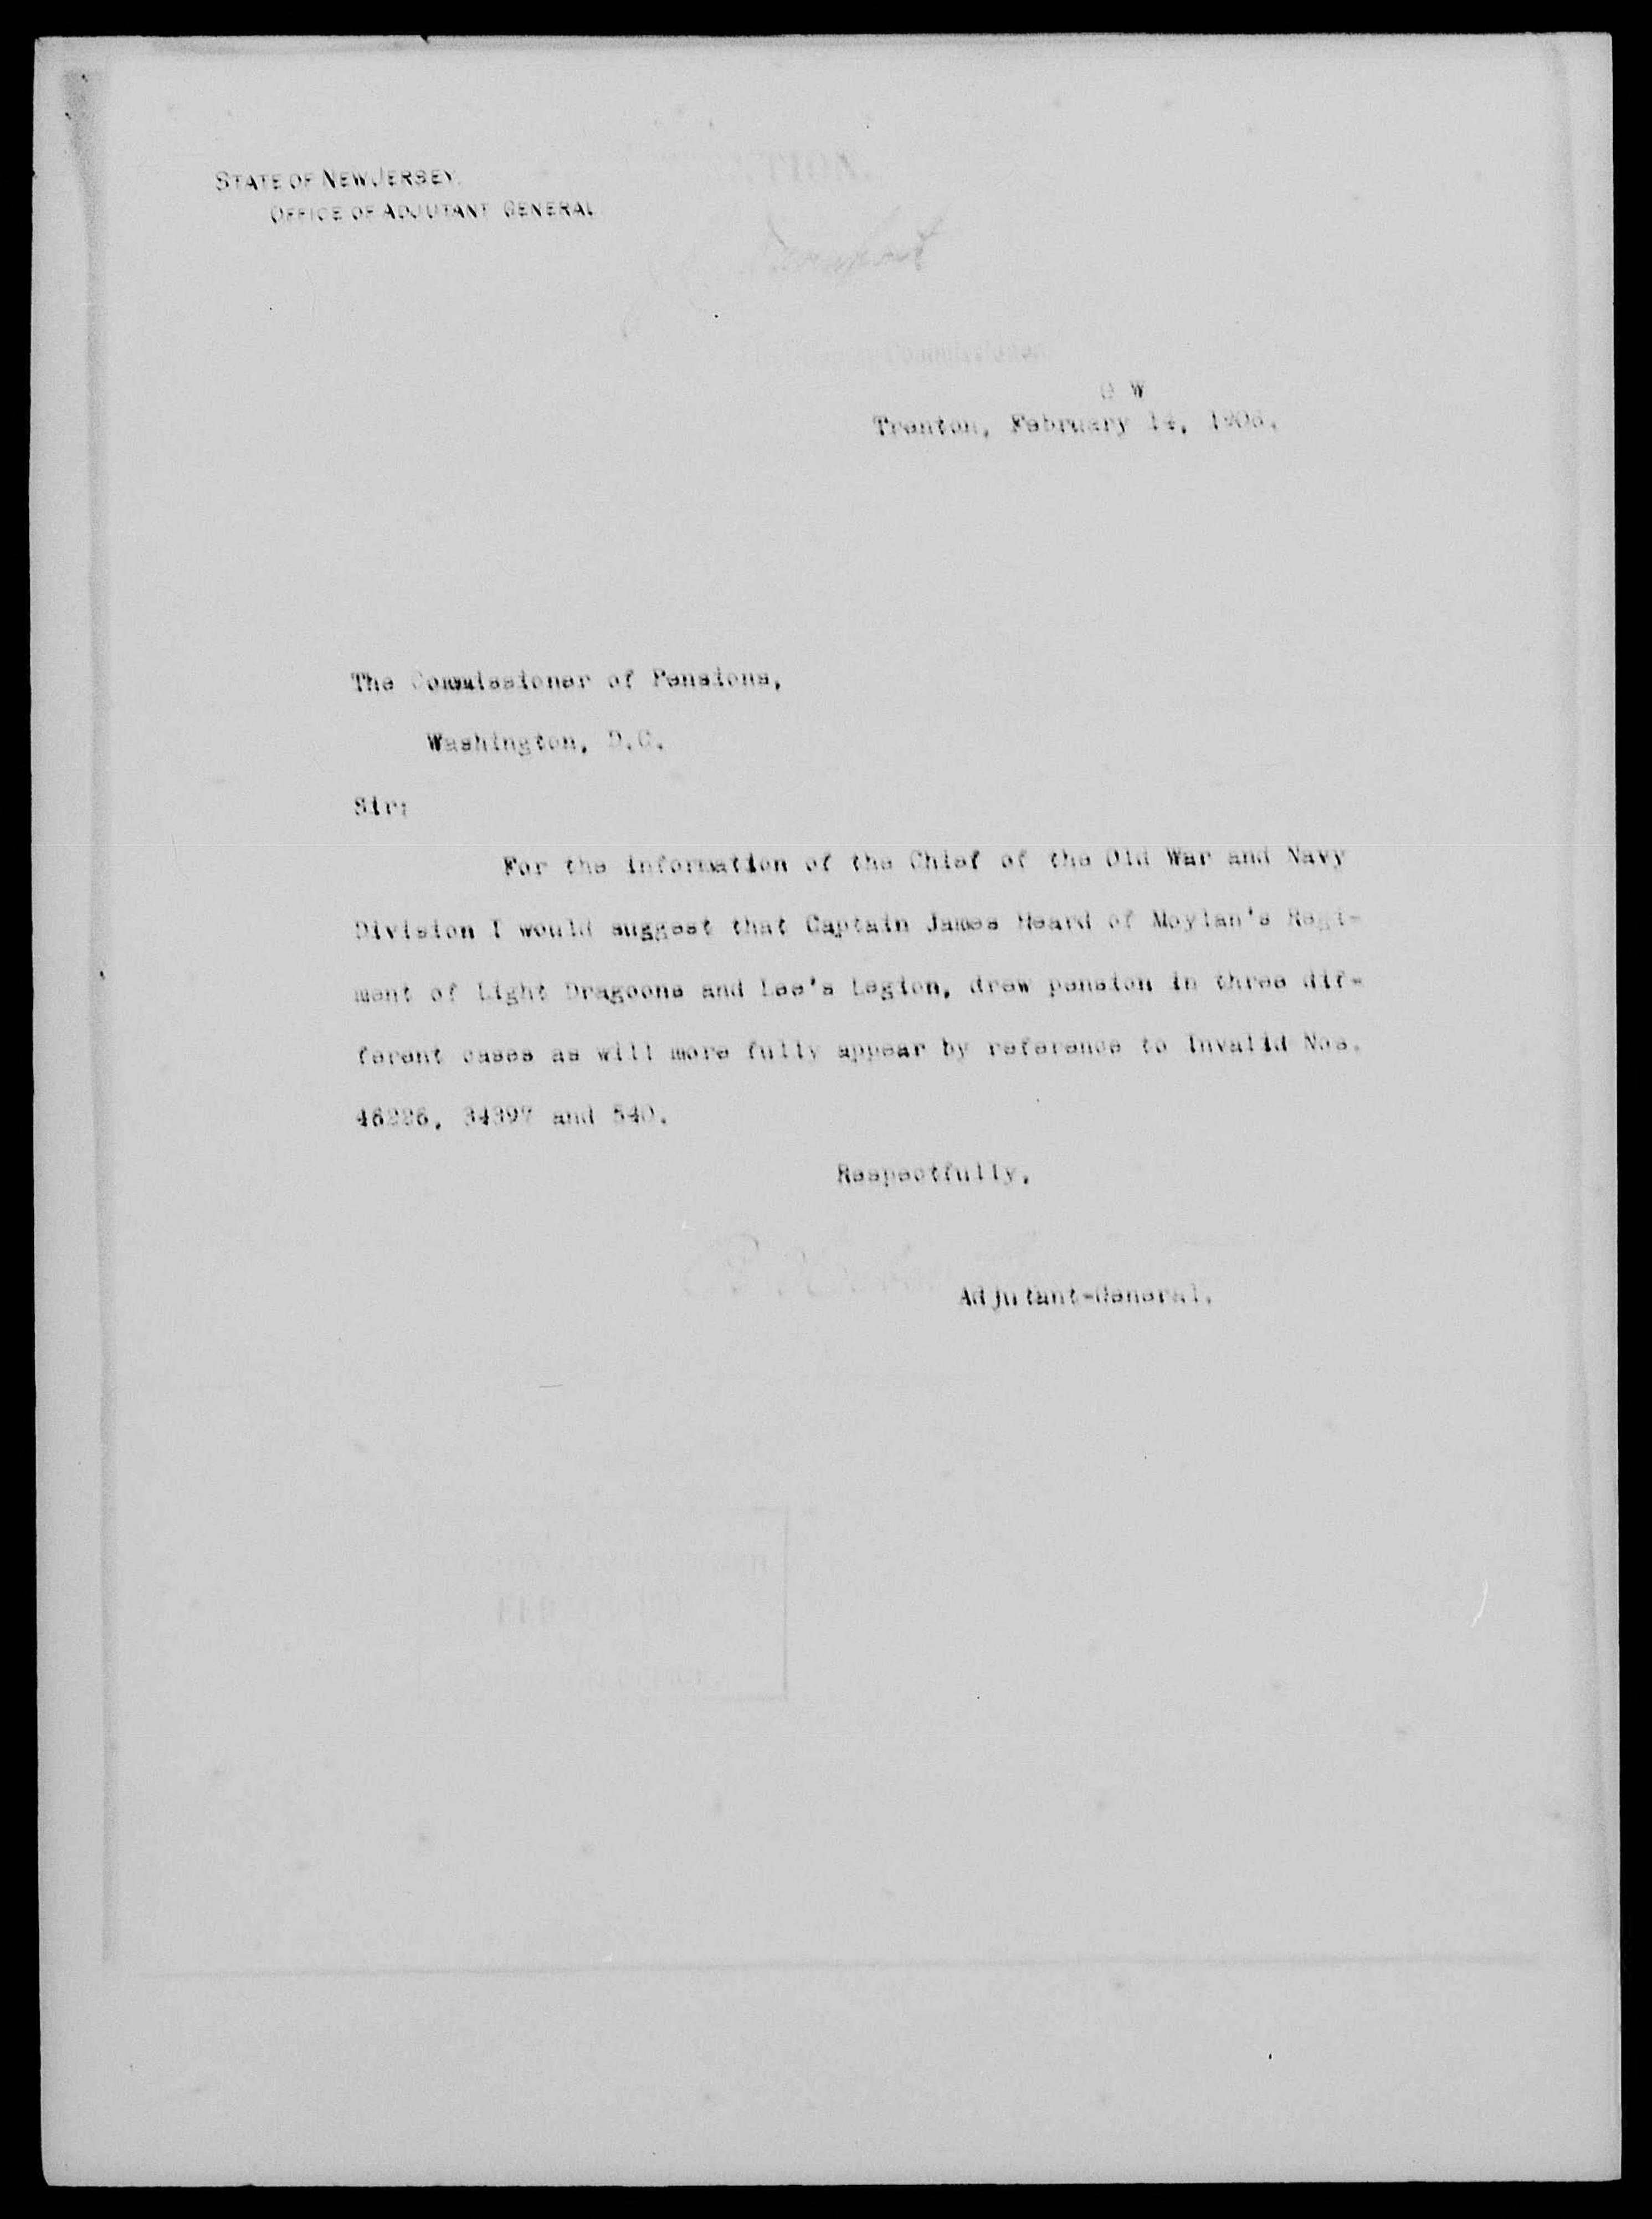State of New Jersey
Office of Adjutant General 
Trenton, February 14, 1906
The Commissioner of Pensions,
Washington D.C.

Sir, 

For the information of the Chief of the Old War and Navy Division I would suggest that Captain James Heard of Moylan’s Regiment of Light Dragoons and Lee’s Legion, drew pension in three different cases as will more fully appear by reference to Invalid Nos. 46226, 3497, and 540. 
Respectfully,

[Illegible Ink Marks]
Adjutant General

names: James Heard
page: 62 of 62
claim: survivor's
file: S. 540, James Heard, Continental - New Jersey Residence In 1818